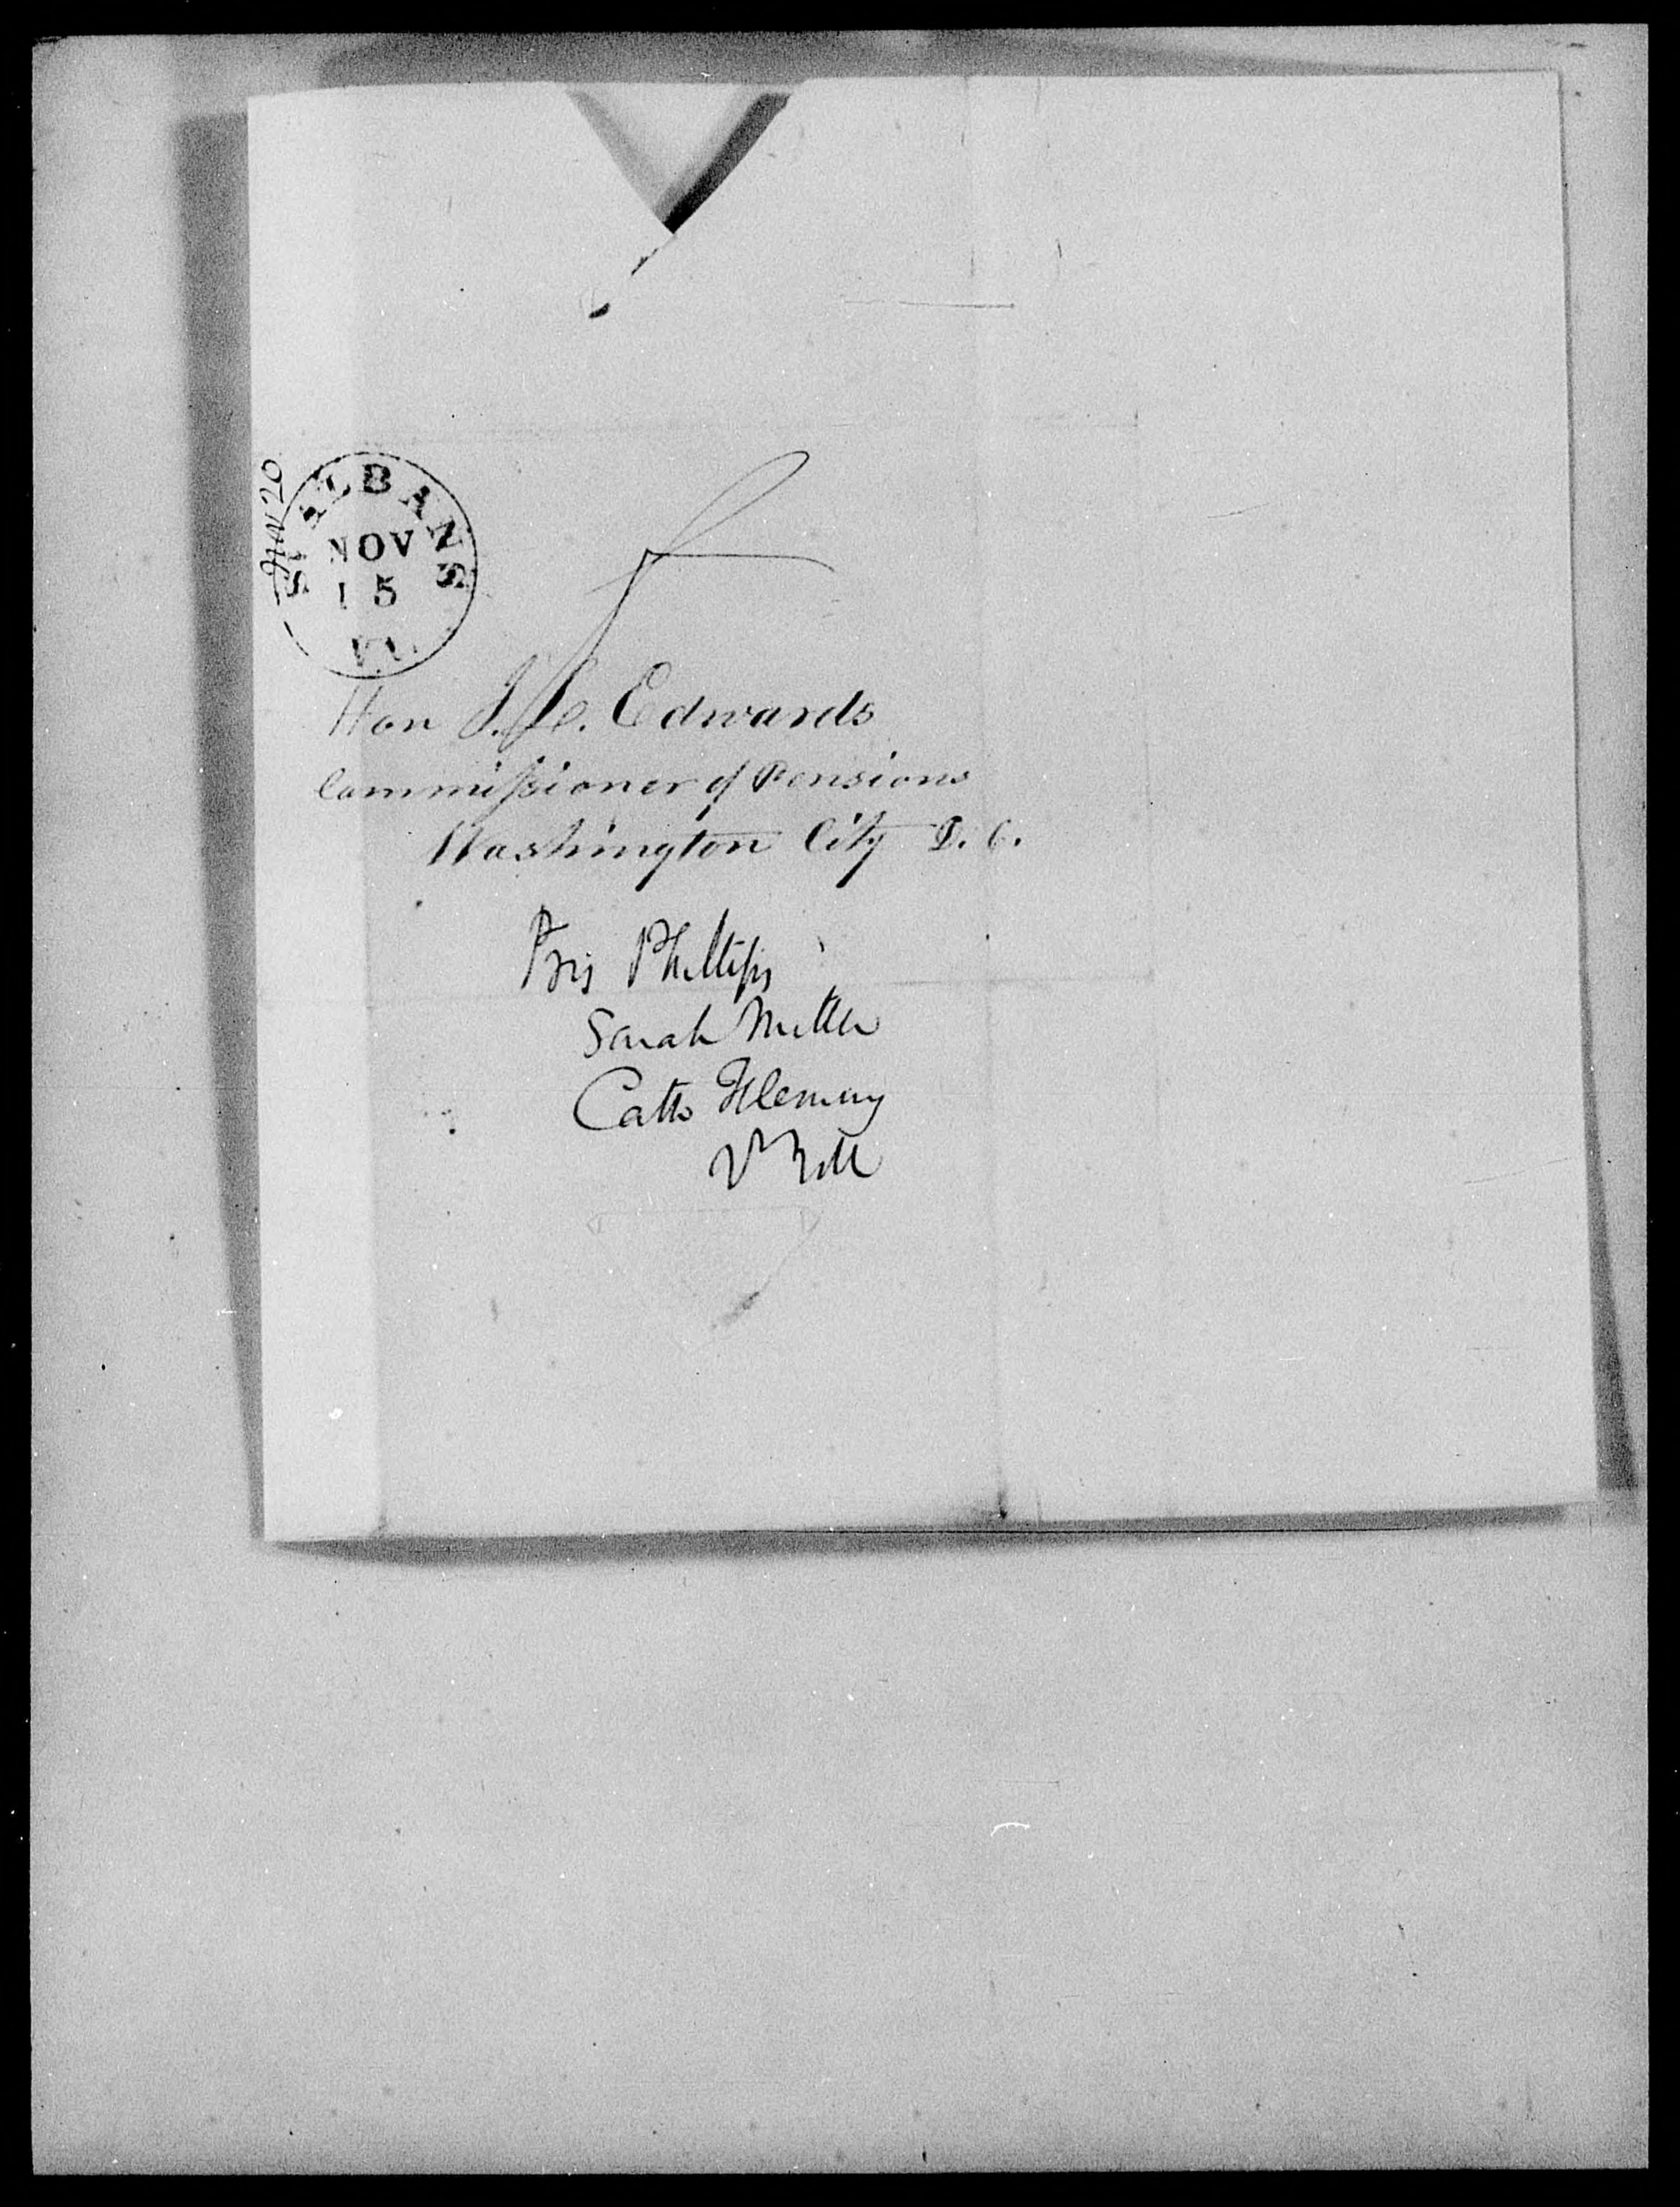Hon J.L. Edwards
Commissioner of Pensions
Washington City D.C.
Pris Phillips
Sarah Miller
Cath
Fleming
[illegible]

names: Pris Phillips; Cath Fleming; J L Edwards; Sarah Miller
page: 22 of 26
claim: widow's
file: W. 26,886, for Amos Phillips, Massachusetts